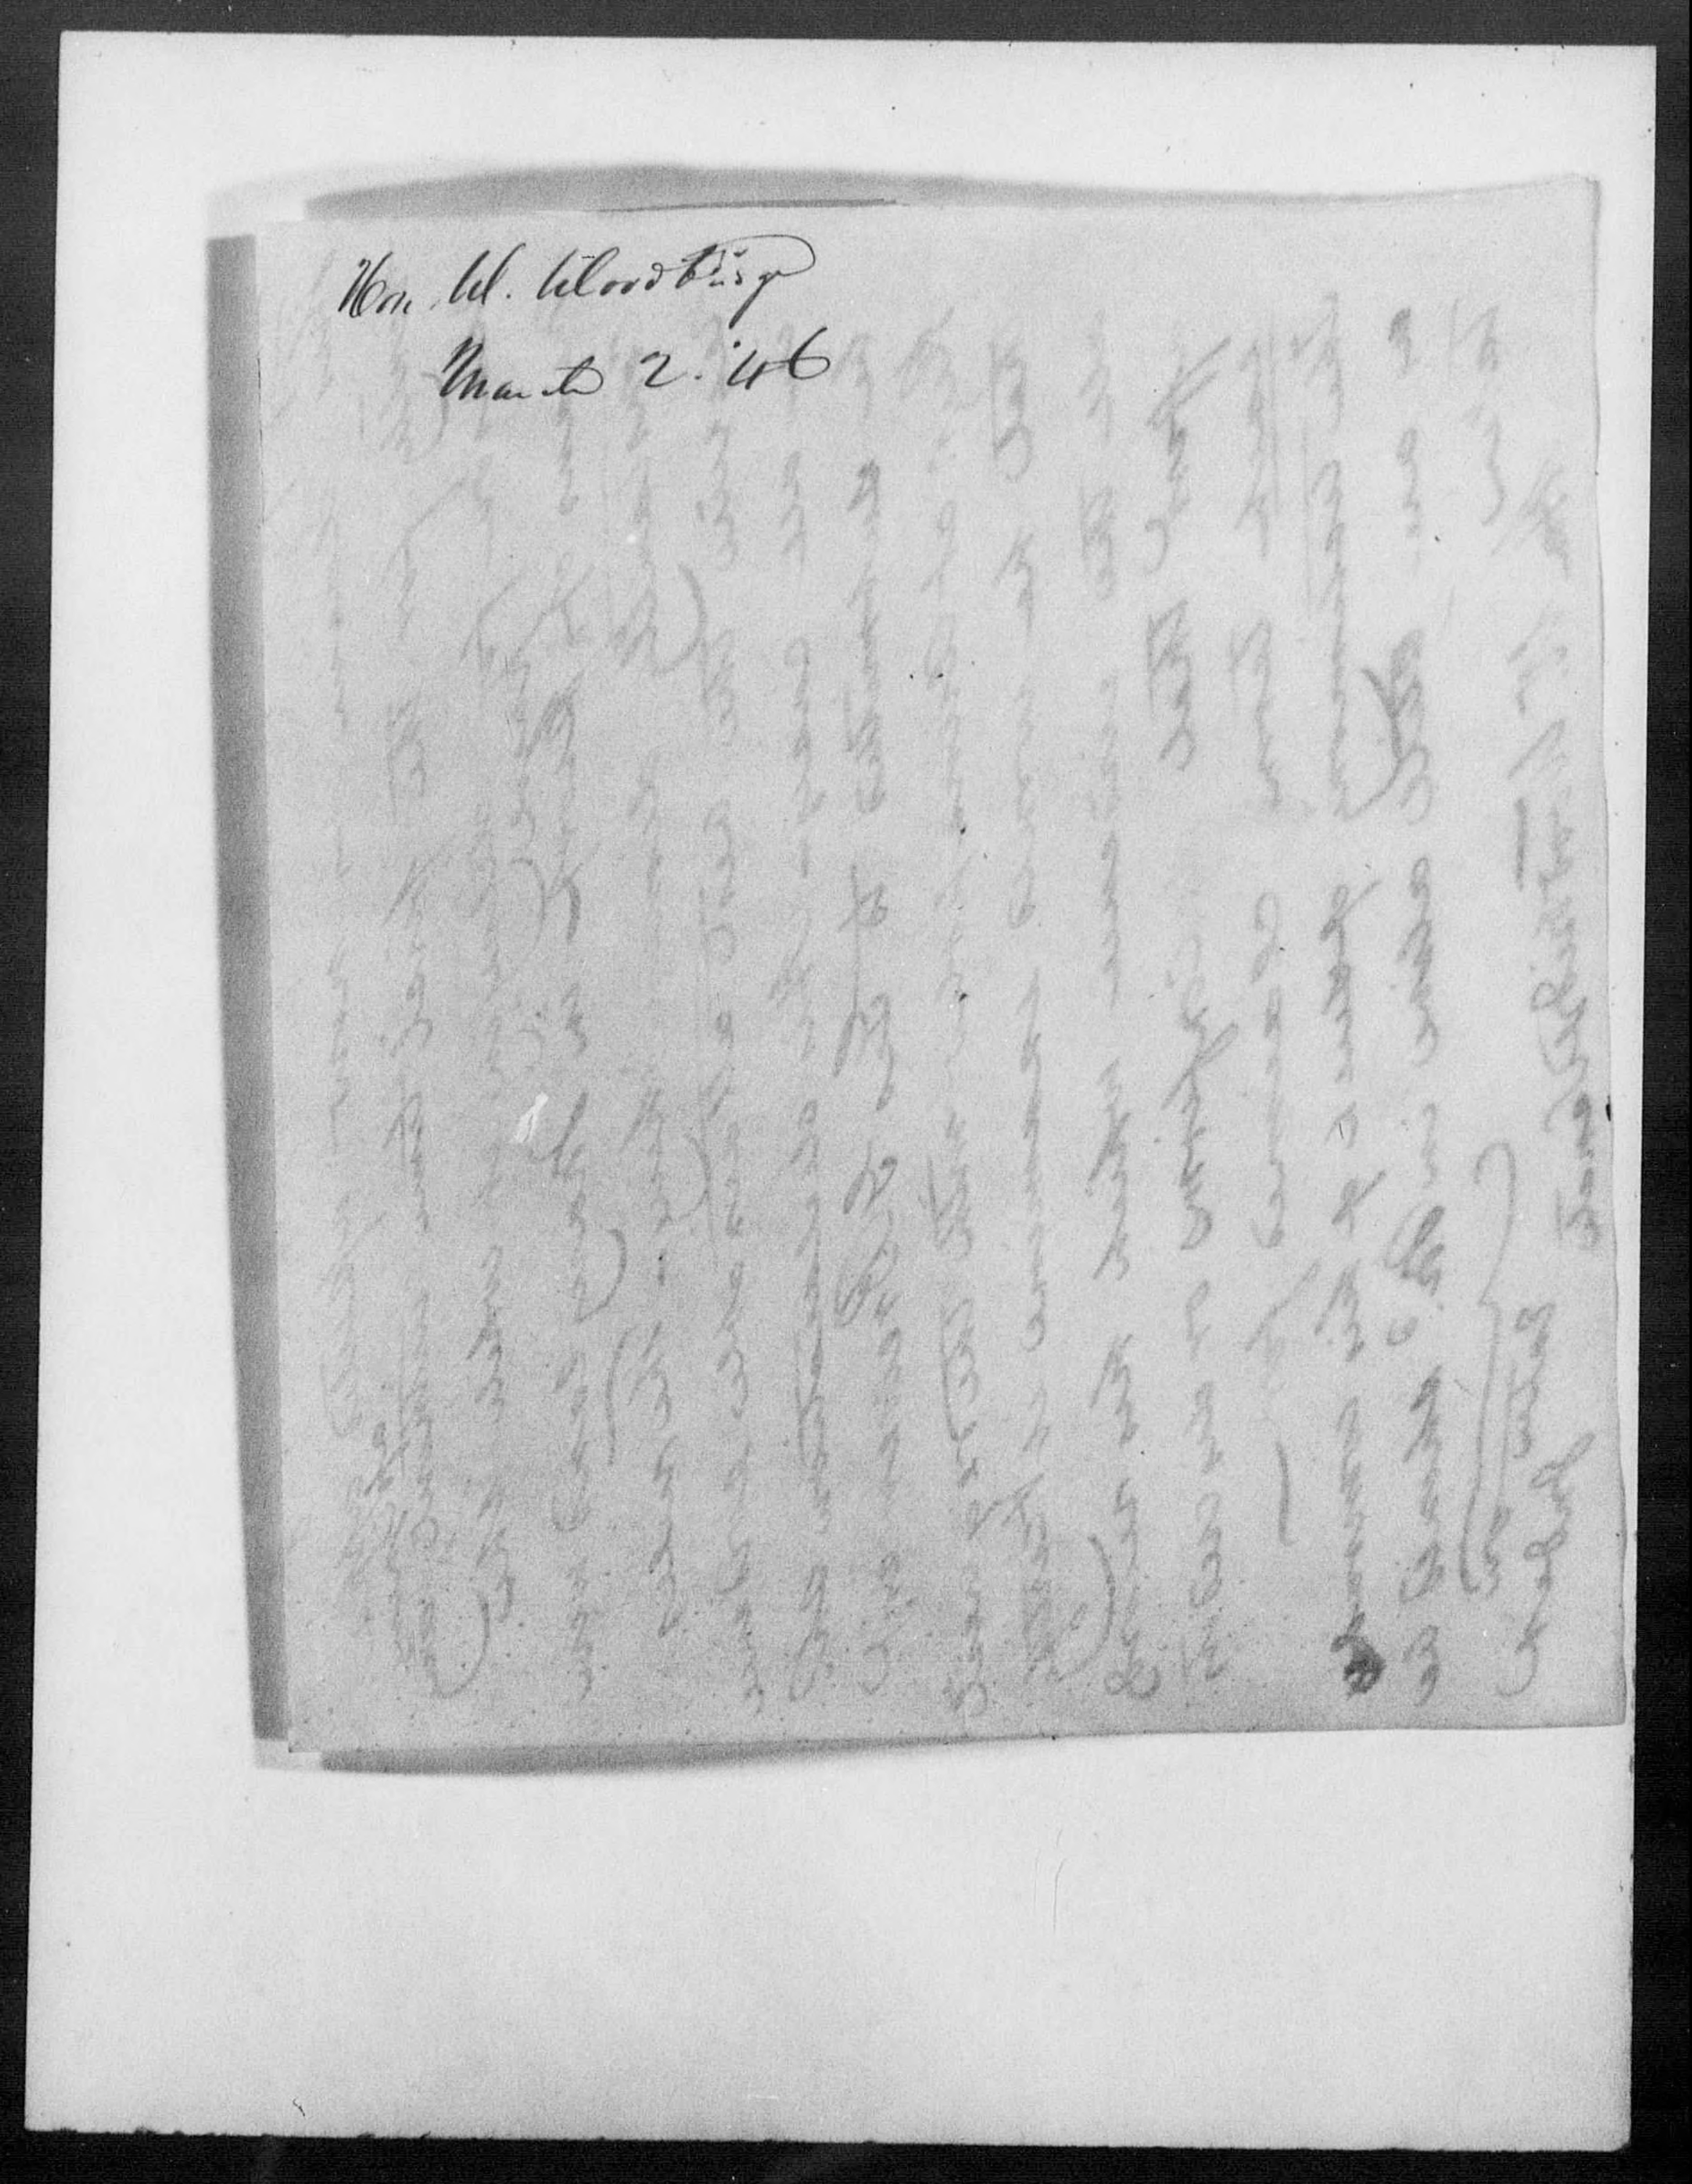Hon. W. Woodbridge
March 2, '46
[all handwritten]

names: W Woodbridge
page: 5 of 8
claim: rejected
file: R. 1535, Jacob Bushman, Md